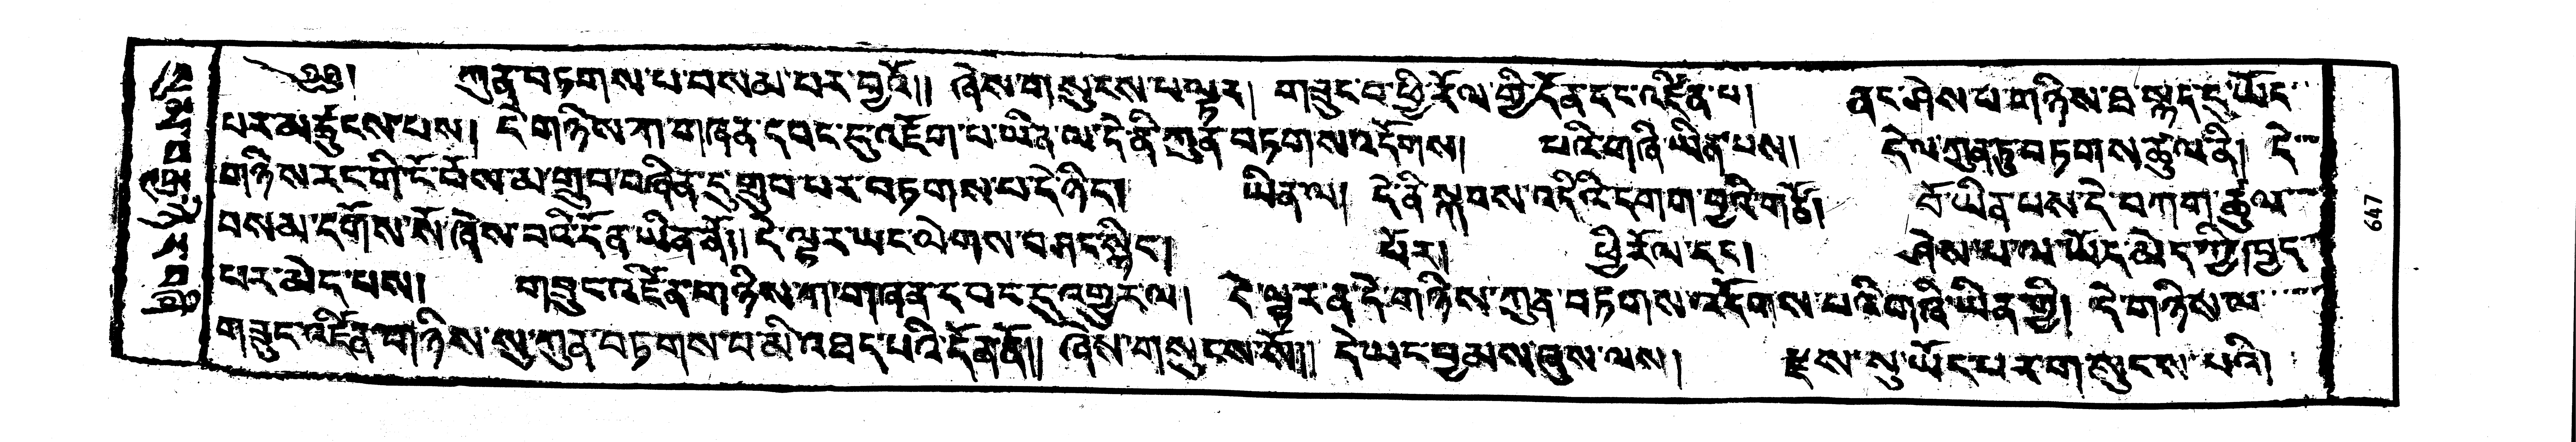༄༅། །ཀུན་བཏགས་པ་བསམ་པར་བྱའོ།། ཞེས་གསུངས་པ་ལྟར། གཟུང་བ་ཕྱི་རོལ་གྱི་དོན་དང་འཛིན་པ། ནང་ཤེས་པ་གཉིས་ཐ་སྙད་དུ་ཡོད་
པར་མཚུངས་པས། དེ་གཉིས་ཀ་གཞན་དབང་དུ་འཇོག་པ་ཡིན་ལ་དེ་ནི་ཀུན་བཏགས་འདོགས། པའི་གཞི་ཡིན་པས། དེ་ལ་ཀུན་ཏུ་བཏགས་ཚུལ་ནི། དེ་
གཉིས་རང་གི་ངོ་བོས་མ་གྲུབ་བཞིན་དུ་གྲུབ་པར་བཏགས་པ་དེ་ཉིད། ཡིན་ལ། དེ་ནི་སྐབས་འདིའི་དགག་བྱའི་གཙོ། བོ་ཡིན་པས་དེ་བཀག་ཚུལ་
བསམ་དགོས་སོ་ཞེས་པའི་དོན་ཡིན་ནོ།། དེ་ལྟར་ཡང་ལེགས་བཤད་སྙིང་། པོར། ཕྱི་རོལ་དང་། ཤེས་པ་ལ་ཡོད་མེད་ཀྱི་ཁྱད་
པར་མེད་པས། གཟུང་འཛིན་གཉིས་ཀ་གཞན་དབང་དུ་འགྱུར་ལ། དེ་ལྟར་ན་དེ་གཉིས་ཀུན་བཏགས་འདོགས་པའི་གཞི་ཡིན་གྱི། དེ་གཉིས་ལ་
གཟུང་འཛིན་གཉིས་སུ་ཀུན་བཏགས་པ་མི་འཐད་པའི་དོན་ནོ།། ཞེས་གསུངས་སོ།། དེ་ཡང་བྱམས་ཞུས་ལས། རྫས་སུ་ཡོད་པར་གསུངས་པའི།